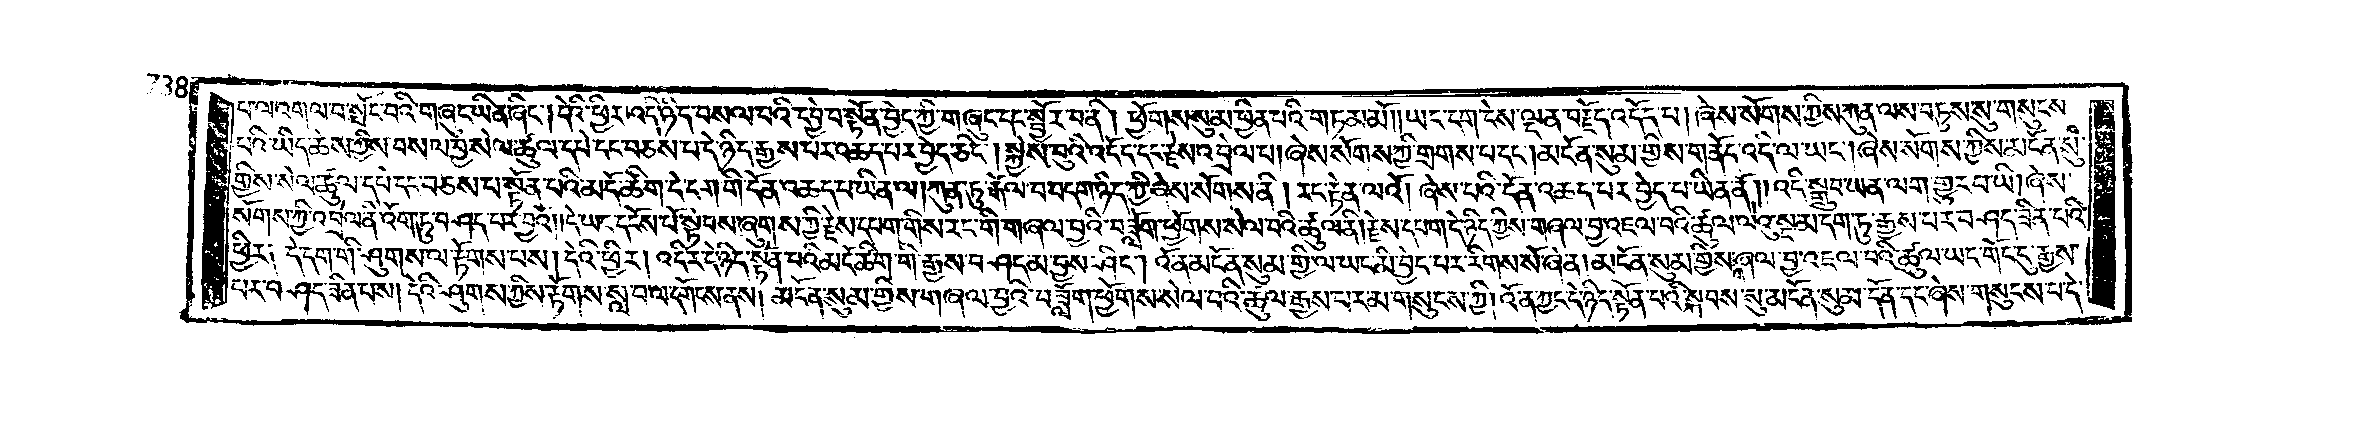པ་ལ་འགལ་བ་སྤོང་བའི་གཞུང་ཡིན་ཞིང་། དེའི་ཕྱིར། འདི་ཉིད་བསལ་བའི་དབྱེ་བ་སྟོན་བྱེད་ཀྱི་གཞུང་དང་སྦྱོར་བ་ནི། ཕྱོགས་སུ་མ་ཕྱིན་པའི་གཏམ་མོ། །ཡང་དག་ངེས་ལྡན་བརྗོད་འདོད་པ། ཞེས་སོགས་ཀྱིས་ཀུན་ལས་བཏུས་སུ་གསུངས་
པའི་ཡིད་ཆེས་ཀྱིས་བསལ་བྱ་སེལ་ཚུལ་དཔེ་དང་བཅས་པ་དེ་ཉིད་རྒྱས་པར་འཆད་པར་བྱེད་ཅིང་། སྐྱེས་བུའི་འདོད་དང་རྗེས་འབྲེལ་པ། ཞེས་སོགས་ཀྱི་གྲགས་པ་དང་། མངོན་སུམ་གྱིས་གནོད་འདི་ལ་ཡང་། ཞེས་སོགས་ཀྱིས་མངོན་སུམ་
གྱིས་སེལ་ཚུལ་དཔེ་དང་བཅས་པ་སྟོན་པའི་མདོ་ཚིག་དེ་དག་གི་དོན་འཆད་པ་ཡིན་ལ། ཀུན་ཏུ་རྒོལ་བ་བདག་ཉིད་ཀྱི་ཞེས་སོགས་ནི། རང་རྟེན་ལའོ།།ཞེས་པའི་དོན་འཆད་པར་བྱེད་པ་ཡིན་ནོ། །འདི་སྒྲུབ་ཡན་ལག་གྱུར་བ་ཡི། ཞེས་
སོགས་ཀྱི་འབྲེལ་ནི་འོག་ཏུ་བཤད་པར་བྱའོ། །དེ་ཡང་དངོས་པོ་སྟོབས་ཞུགས་ཀྱི་རྗེས་དཔག་གིས་རང་གི་གཞལ་བྱའི་བཟློག་ཕྱོགས་སེལ་བའི་ཚུལ་ནི། རྗེས་དཔག་དེ་ཉིད་ཀྱིས་གཞལ་བྱ་འཇལ་བའི་ཚུལ་ལེའུ་སྔ་མ་དག་ཏུ་རྒྱས་པར་བཤད་ཟིན་པའི་
ཕྱིར། དེ་དག་གི་ཤུགས་ལ་རྟོགས་པས། དེའི་ཕྱིར། འདིར་དེ་ཉིད་སྟོན་པའི་མདོ་ཚིག་གི་རྒྱས་བཤད་མ་བྱས་ཤིང་། འོ་ན་མངོན་སུམ་གྱིས་ལ་ཡང་མི་བྱེད་པར་རིགས་སོ་ཞེ་ན། མངོན་སུམ་གྱིས་གཞལ་བྱ་འཇལ་བའི་ཚུལ་ཡང་གོང་དུ་རྒྱས་
པར་བཤད་ཟིན་པས། དེའི་ཤུགས་ཀྱིས་རྟོགས་སླ་བ་ལ་དགོངས་ནས། མངོན་སུམ་གྱིས་གཞལ་བྱའི་བཟློག་ཕྱོགས་སེལ་བའི་ཚུལ་རྒྱས་པར་མ་གསུངས་ཀྱི། འོ་ན་ཀྱང་དེ་ཉིད་སྟོན་པའི་སྐབས་སུ་མངོན་སུམ་དོན་དང་ཞེས་གསུངས་པ་དེ་